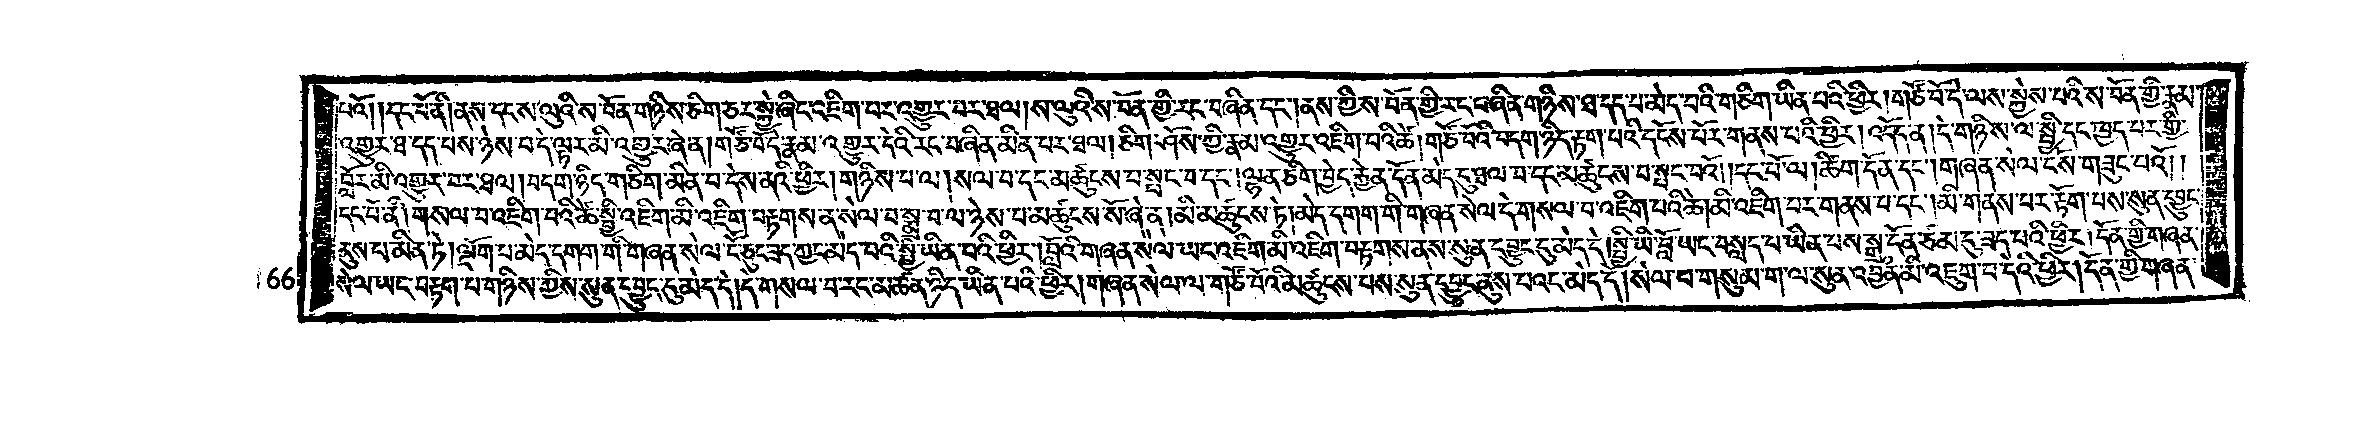པའོ། །དང་པོ་ནི། ནས་དང་ས་ལུའི་ས་བོན་གཉིས་ཅིག་ཅར་སྐྱེ་ཞིང་འཇིག་པར་འགྱུར་བར་ཐལ། ས་ལུའི་ས་བོན་གྱི་རང་བཞིན་དང་། ནས་ཀྱི་ས་བོན་གྱི་རང་བཞིན་གཉིས་ཐ་དད་པ་མེད་པའི་གཅིག་ཡིན་པའི་ཕྱིར། གཙོ་བོ་དེ་ལས་སྐྱེས་པའི་ས་བོན་གྱི་རྣམ་
འགྱུར་ཐ་དད་པས་ཉེས་པ་དེ་ལྟར་མི་འགྱུར་ཞེ་ན། གཙོ་བོ་དེ་རྣམ་འགྱུར་དེའི་རང་བཞིན་མིན་པར་ཐལ། ཅིག་ཤོས་ཀྱི་རྣམ་འགྱུར་འཇིག་པའི་ཚེ། གཙོ་བོའི་བདག་ཉིད་རྟག་པའི་དངོས་པོར་གནས་པའི་ཕྱིར། འདོད་ན། དེ་གཉིས་ལ་སྤྱི་དང་ཁྱད་པར་གྱི་
བློར་མི་འགྱུར་བར་ཐལ། བདག་ཉིད་གཅིག་མིན་པ་དེས་ནའི་ཕྱིར། གཉིས་པ་ལ། སལ་བ་དང་མཚུངས་པ་སྤང་བ་དང་། ལྷན་ཅིག་བྱེད་རྐྱེན་དོན་མེད་དུ་ཐལ་བ་དང་མཚུངས་པ་སྤང་བའོ། །དང་པོ་ལ། ཚིག་དོན་དང་། གཞན་སེལ་ངོས་གཟུང་བའོ། །
དང་པོ་ནི། གསལ་བ་འཇིག་པའི་ཚེ་སྤྱི་འཇིག་མི་འཇིག་བརྟགས་ན་སེལ་བ་སྨྲ་བ་ལ་ཉེས་པ་མཚུངས་སོ་ཞེ་ན། མི་མཚུངས་ཏེ། མེད་དགག་གི་གཞན་སེལ་དེ་གསལ་བ་འཇིག་པའི་ཆེ། མི་འཇིག་པར་གནས་པ་དང་། མི་གནས་པར་རྟོག་པས་སུན་དབྱུང་
ནུས་པ་མིན་ཏེ། ལྡོག་པ་མེད་དགག་གི་གཞན་སེལ་ངོ་ཅུང་ཟད་ཀྱང་མེད་པའི་སྤྱི་ཡིན་པའི་ཕྱིར། བློའི་གཞན་སེལ་ཡང་འཇིག་མི་འཇིག་བརྟགས་ནས་སུན་དབྱུང་དུ་མེད་དེ། སྤྱི་ཡི་བློ་ཡང་བསླད་པ་ཡིན་པས་སྒྲ་དོན་ཙམ་དུ་ཟད་པའི་ཕྱིར། དོན་གྱི་གཞན་
སེལ་ཡང་བརྟག་པ་གཉིས་ཀྱིས་སུན་དབྱུང་དུ་མེད་དེ། དེ་གསལ་བ་རང་མཚན་ཉིད་ཡིན་པའི་ཕྱིར། གཞན་སེལ་ལ་གཙོ་བོའི་མཚུངས་པས་སུན་དབྱུང་ནུས་པའང་མེད་དོ། སེལ་བ་གསུམ་ག་ལ་སུན་འབྱིན་མི་འཇུག་པ་དེའི་ཕྱིར། དོན་གྱི་གཞན་